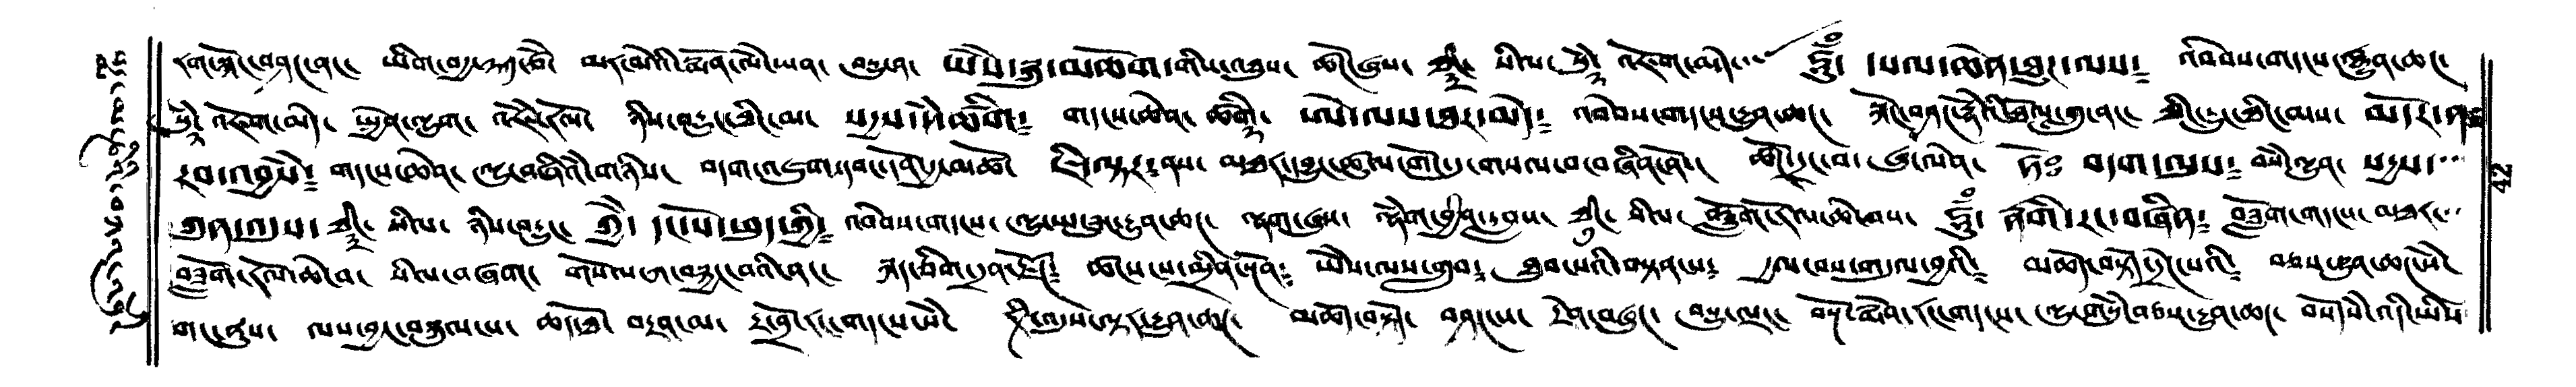རག་སྐོང་བཤགས་ནང་། ཡིག་བརྒྱ་ཉེར་གཅིག་ཙམ། མར་མེའི་སྨོན་ལམ་ཡན། བསྡུ་ན། ཡེ་ཤེས་སྐུ་མཆོག་གིས་འཐུས། ཚོགས་ཞུས། ཐིང་གསུམ། སིལ། སུམ་གཉིས། འཇོག་མེད། ཧཱུྃཿ དཔལ་ཆེན་ཐུགས་ལས༴ འབེབས་གདངས་རྒྱུན་ཆགས། 
སུམ་གཉིས། འཇོག་མེད། སྤྱན་འདྲེན་ལྷུག འཇམ་རོལ། ཉིས་རྡུང་ཐིང་མ། སངས་རྒྱས་དམ་ཚིག༴ གདངས་ཆེན། ཚིག་གཉིས། ཨེ་ལས་ཐར་མེད༴ འབེབས་གདངས་རྒྱུན་ཆགས། སྐོང་བཤགས་རྡོ་རྗེ་ཐོལ་གླུའི་ནང་། ཐིང་རྡུང་ཐིང་མས། མདོར་ན་
རབ་འབྱམས༴ གདངས་ཆེན། ལྷུ་བཞི་འམ་གཉིས། བདག་འཇུག་དབང་དོན་རྒྱ་མཚོ། ཇི་ལྟར༴ ནས། མཐར་དབྱུང་ཚུལ་གོང་དུ་གསལ་བ་བཞིན་ནོ། ཚོགས་དྲང་བ། ཞུ་ལེན། ཧོཿ བདག་ལུས༴ བསམ་ལྷུན། སངས་རྒྱས་
ཀུན་འདུས༴ ཐིང་གསུམ།སིལ། ཉིས་རྡུང་། ཀྱཻཿ དང་པོ་ཕུད་ཀྱི༴ འབེབས་གདངས། ལྷུ་ཡ་ཟུང་རྒྱུན་ཆགས། ལྷག་ཞུས། ལྷག་མ་བྱིན་རླབས། ཐིང་གཅིག སིལ། ཟློག་རོལ་ཆེ་བས། ཧཱུྃཿ རྣམ་དག་རང་བཞིན༴ ཟློག་གདངས་མཐར་
ཟློག་རོལ་ཆེ་བ། སིལ་བཞག། གསོལ་ཀ་མཇུག་སྐྱོང་བའི་ནང་། སྐད་ཅིག་དྲན་རྫོགས༴ ཚངས་པ་མགྲིན་སྔོན༴ ཡེ་ཤེས་ལས་གྲུབ༴ ཐུབ་པའི་བསྟན་པ༴ རྒྱལ་བས་གདུལ་བྱའི༴ མཆོད་བསྟོད་དྲེགས་པའི༴ བཅས་རྒྱུན་ཆགས་སམ་
གང་ནུས། ལས་བྱང་སྐུལ་པ། ཆད་ཐོ། བརྟན་མ། རྟ་བྲོ་རང་གདངས་སམ། རིགས་འདུས་ལྟར་རྒྱུན་ཆགས། མཆོད་བསྟོད། བཤགས་པ། རྟེན་བཞུགས། བསྡུ་ལྡང་། བསྔོ་སྨོན་རང་གདངས། ལྷུ་གསུམ་བཅས་རྒྱུན་ཆགས། བསོད་ནམས་འདི་ཡིས༴